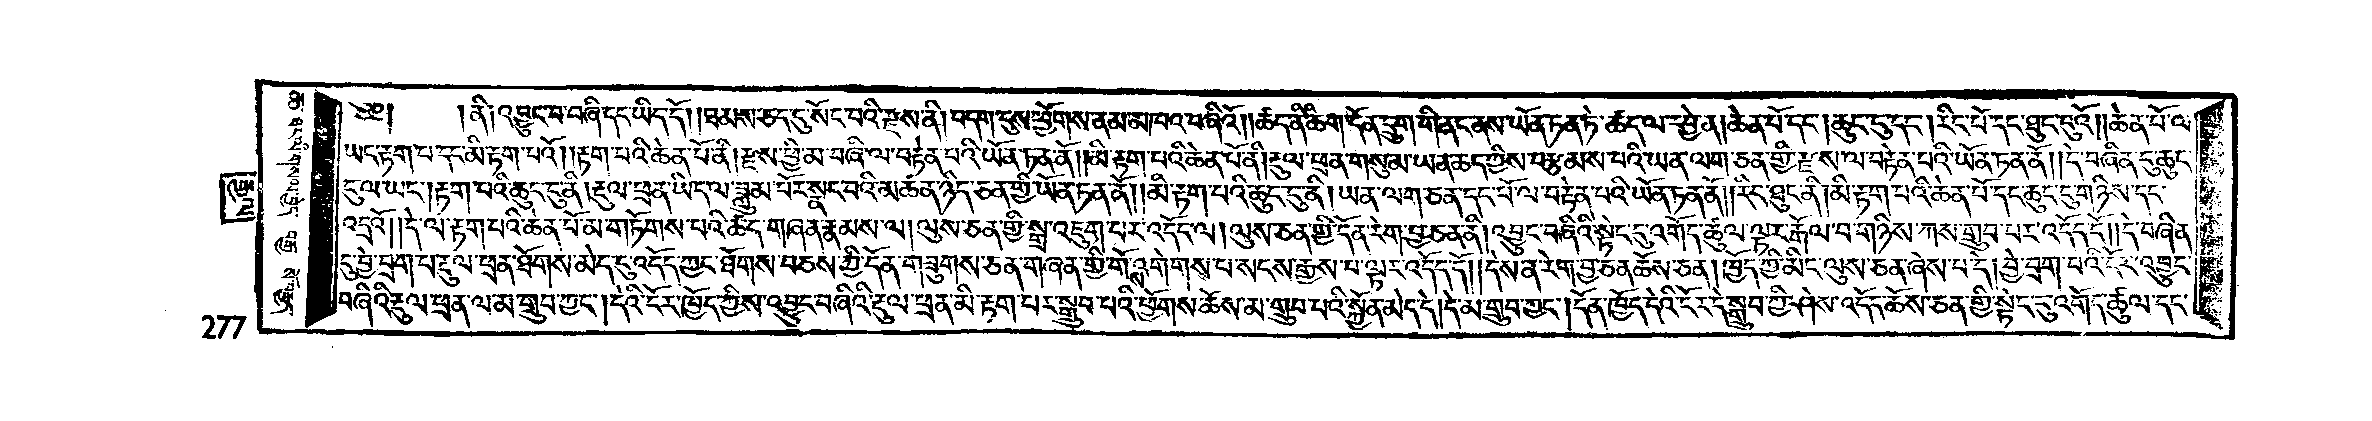༄༅། །ནི། འབྱུང་བ་བཞི་དང་ཡིད་དོ། །ཐམས་ཅད་དུ་སོང་བའི་རྫས་ནི། བདག་དུས་ཕྱོགས་ནམ་མཁའ་བཞིའོ། །ཚད་ནི་ཚིག་དོན་དྲུག་གི་ནང་ནས་ཡོན་ཏན་ཏེ་ཚད་ལ་དབྱེ་ན། ཆེན་པོ་དང་། ཆུང་ངུ་དང་། རིང་པོ་དང་ཐུང་བུའོ། །ཆེན་པོ་ལ་
ཡང་རྟག་པ་དང་མི་རྟག་པའོ། །རྟག་པའི་ཆེན་པོ་ནི། རྫས་ཕྱི་མ་བཞི་ལ་བརྟེན་པའི་ཡོན་ཏན་ནོ། །མི་རྟག་པའི་ཆེན་པོ་ནི། རྡུལ་ཕྲན་གསུམ་ཡན་ཆད་ཀྱིས་བརྩམས་པའི་ཡན་ལག་ཅན་གྱི་རྫས་ལ་བརྟེན་པའི་ཡོན་ཏན་ནོ། །དེ་བཞིན་དུ་ཆུང་
ངུ་ལ་ཡང་། རྟག་པའི་ཆུང་ངུ་ནི། རྡུལ་ཕྲན་ཡིད་ལ་ཟླུམ་པོར་སྣང་བའི་མཚན་ཉིད་ཅན་གྱི་ཡོན་ཏན་ནོ། །མི་རྟག་པའི་ཆུང་ངུ་ནི། ཡན་ལག་ཅན་དང་པོ་ལ་བརྟེན་པའི་ཡོན་ཏན་ནོ། །རིང་ཐུང་ནི། མི་རྟག་པའི་ཆེན་པོ་དང་ཆུང་ངུ་གཉིས་དང་
འདྲའོ། །དེ་ལ་རྟག་པའི་ཆེན་པོ་མ་གཏོགས་པའི་ཚད་གཞན་རྣམས་ལ། ལུས་ཅན་གྱི་སྒྲ་འཇུག་པར་འདོད་ལ། ལུས་ཅན་གྱི་དོན་རེག་བྱ་ཅན་ནི། འབྱུང་བཞིའི་སྟེང་དུ་འགོད་ཚུལ་ལྟར་རྒོལ་བ་གཉིས་ཀས་གྲུབ་པར་འདོད་དོ། །དེ་བཞིན་
དུ་བྱེ་བྲག་པ་རྡུལ་ཕྲན་ཐོགས་མེད་དུ་འདོད་ཀྱང་ཐོགས་བཅས་ཀྱི་དོན་གཟུགས་ཅན་གཞན་གྱི་གོས་འགེགས་པ་སངས་རྒྱས་པ་ལྟར་འདོད་དོ། །དེས་ན་རེག་བྱ་ཅན་ཆོས་ཅན། ཁྱོད་ཀྱི་མིང་ལུས་ཅན་ཞེས་པ་དེ། བྱེ་བྲག་པའི་ངོར་འབྱུང་
བཞིའི་རྡུལ་ཕྲན་ལ་མ་གྲུབ་ཀྱང་། དེའི་ངོར་ཁྱོད་ཀྱིས་འབྱུང་བཞིའི་རྡུལ་ཕྲན་མི་རྟག་པར་སྒྲུབ་པའི་ཕྱོགས་ཆོས་མ་གྲུབ་པའི་སྐྱོན་མེད་དེ། དེ་མ་གྲུབ་ཀྱང་། དོན་ཁྱོད་དེའི་ངོར་དེ་སྒྲུབ་ཀྱི་ཤེས་འདོད་ཆོས་ཅན་གྱི་སྟེང་དུ་འགོད་ཚུལ་དང་